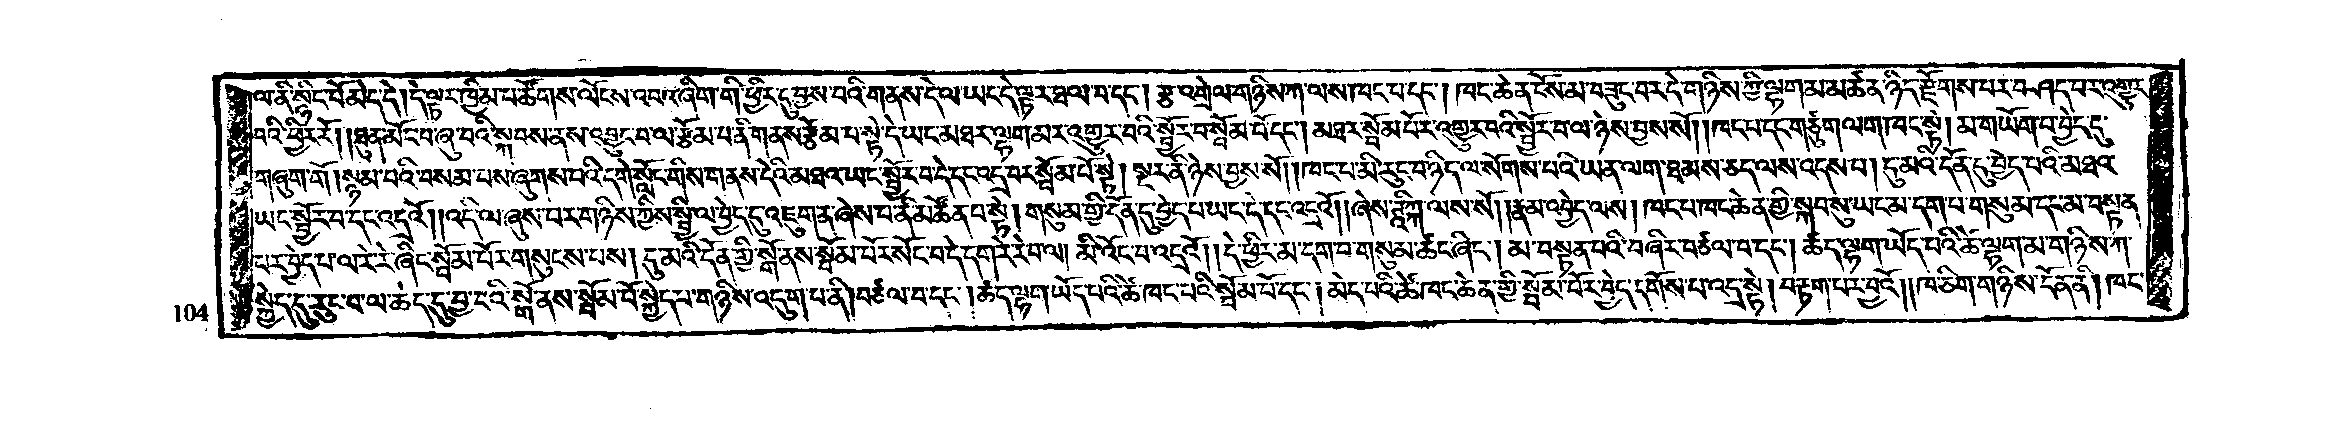ལ་ནི་སྙིང་པོ་མེད་དེ། དེ་ལྟར་ཁྱིམ་པ་ཚོགས་ལོངས་འབའ་ཞིག་གི་ཕྱིར་དུ་བྱས་པའི་གནས་དེ་ལ་ཡང་དེ་ལྟར་ཐལ་བ་དང་། རྩ་འགྲེལ་གཉིས་ཀ་ལས་ཁང་པ་དང་། ཁང་ཆེན་ངོས་མ་བཟུང་བར་དེ་གཉིས་ཀྱི་ལྷག་མ་མཚན་ཉིད་རྫོགས་པར་བཤད་པར་འགྱུར་
བའི་ཕྱིར་རོ། །ཐུན་མོང་བ་ཞུ་བའི་སྐབས་ནས་འབྱུང་བ་ལ་རྩོམ་པ་ནི་གནས་རྩོམ་པ་སྟེ་དེ་ཡང་མཐར་ལྷག་མར་འགྱུར་བའི་སྦྱོར་བ་སྦོམ་པོ་དང་། མཐར་སྦོམ་པོར་འགྱུར་བའི་སྦྱོར་བ་ལ་ཉེས་བྱས་སོ། །ཁང་པ་དང་གཙུག་ལག་ཁང་སྟེ། མ་གཡོག་པ་བྱེད་དུ་
གཞུག་གོ །སྙམ་པའི་བསམ་པས་ཞུགས་པའི་དགེ་སློང་གིས་གནས་དེའི་མཐའ་ཡང་སྦྱོར་བ་དེ་དང་འདྲ་བར་སྦོམ་པོ་སྟེ། སྔར་ནི་ཉེས་བྱས་སོ། །ཁང་པ་མི་རུང་བ་ཉིད་ལ་སོགས་པའི་ཡན་ལག་ཐམས་ཅད་ལས་འདས་པ། དུ་མའི་དོན་དུ་བྱེད་པའི་མཐའ་
ཡང་སྦྱོར་བ་དང་འདྲའོ། །འདི་ལ་ཞུས་པར་གཉིས་ཀྱིས་སྤྱི་ལ་བྱེད་དུ་འཇུག་ན་ཞེས་པ་ནི་མཚོན་པ་སྟེ། གསུམ་གྱི་དོན་དུ་བྱེད་པ་ཡང་དེ་དང་འདྲའོ། །ཞེས་ཊཱིཀྐ་ལས་སོ། །རྣམ་འབྱེད་ལས། ཁང་པ་ཁང་ཆེན་གྱི་སྐབས་སུ་ཡང་མ་དག་པ་གསུམ་དང་མ་བསྟན་
པར་བྱེད་པ་ལ་རེ་རེ་ཞིང་སྦོམ་པོར་གསུངས་པས། དུ་མའི་དོན་གྱི་སྒོ་ནས་སྦོམ་པོར་སོང་བ་དེ་དག་རེ་རེ་བ་ལ། མི་འོང་བ་འདྲའོ། །དེ་ཕྱིར་མ་དག་པ་གསུམ་ཚང་ཞིང་། མ་བསྟན་པའི་བཞིར་བཙལ་བ་དང་། ཚད་ལྷག་ཡོད་པའི་ཚེ་ལྷག་མ་གཉིས་ཀ་
སྐྱེད་དུ་རུང་བ་ལ་ཆེད་དུ་བྱ་བའི་སྒོ་ནས་སྦོམ་པོ་སྐྱེད་པ་གཉིས་འདུག་པ་ནི། བཙལ་བ་དང་། ཚད་ལྷག་ཡོད་པའི་ཚེ་ཁང་པའི་སྦོམ་པོ་དང་། མེད་པའི་ཚེ་ཁང་ཆེན་གྱི་སྦོམ་པོར་བྱེད་དགོས་པ་འདྲ་སྟེ། བརྟག་པར་བྱའོ། །ཁ་ཅིག་གཉིས་དོན་ནི། ཁང་